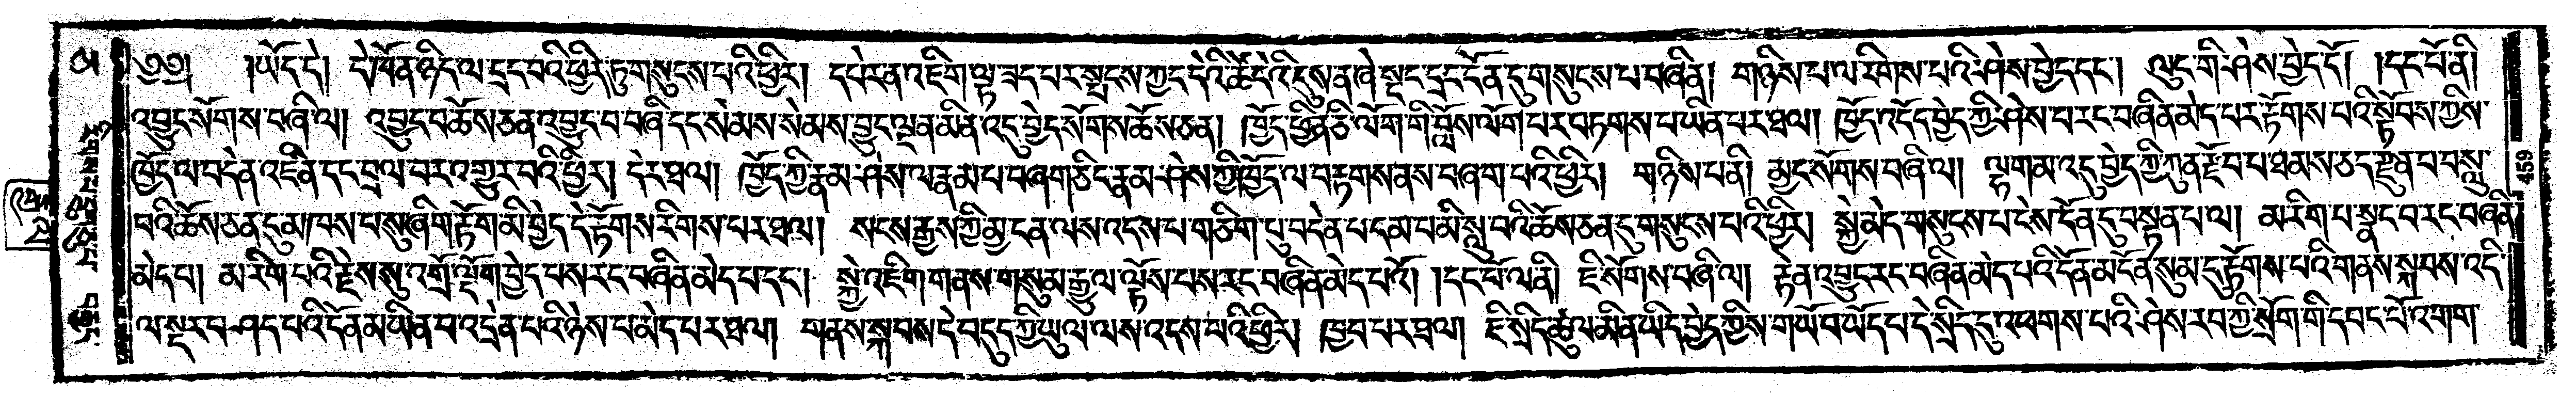༄༅། །ཡོད་དེ། དེ་ཁོ་ན་ཉིད་ལ་དྲང་བའི་ཕྱིར་ཏུ་གསུངས་པའི་ཕྱིར། དཔེར་ན་འཇིག་ལྟ་ཟད་པར་སྤངས་ཀྱང་དེའི་ཚེ་དེའི་དུས་ན་ཞེ་སྡང་དྲང་དོན་དུ་གསུངས་པ་བཞིན། གཉིས་པ་ལ་རིགས་པའི་ཤེས་བྱེད་དང་། ལུང་གི་ཤེས་བྱེད་དོ། །དང་པོ་ནི།
འབྱུང་སོགས་བཞི་ལ། འབྱུང་བ་ཆོས་ཅན་འབྱུང་བ་བཞི་དང་སེམས་སེམས་བྱུང་ལྡན་མིན་འདུ་བྱེད་སོགས་ཆོས་ཅན། ཁྱོད་ཕྱིན་ཅི་ལོག་གི་བློས་ལོག་པར་བཏགས་པ་ཡིན་པར་ཐལ། ཁྱོད་འདོད་བྱེད་ཀྱི་ཤེས་པ་རང་བཞིན་མེད་པར་རྟོགས་པའི་སྟོབས་ཀྱིས་
ཁྱོད་ལ་བདེན་འཛིན་དང་བྲལ་བར་འགྱུར་བའི་ཕྱིར། དེར་ཐལ། ཁྱོད་ཀྱི་རྣམ་ཤེས་ལ་རྣམ་པ་བཞག་ཅིང་རྣམ་ཤེས་ཀྱི་ཁྱོད་ལ་བརྟགས་ནས་བཞག་པའི་ཕྱིར། གཉིས་པ་ནི། མྱང་སོགས་བཞི་ལ། ལྷག་མ་འདུ་བྱེད་ཀྱི་ཀུན་རྫོབ་པ་ཐམས་ཅད་རྫུན་པ་བསླུ་
བའི་ཆོས་ཅན་དུ་མཁས་པ་སུ་ཞིག་རྟོག་མི་བྱེད་དེ་རྟོགས་རིགས་པར་ཐལ། སངས་རྒྱས་ཀྱི་མྱ་ངན་ལས་འདས་པ་གཅིག་པུ་བདེན་པ་དམ་པ་མི་སླུ་བའི་ཆོས་ཅན་དུ་གསུངས་པའི་ཕྱིར། སྐྱེ་མེད་གསུངས་པ་ངེས་དོན་དུ་བསྟན་པ་ལ། མ་རིག་པ་སྣང་བ་རང་བཞིན་
མེད་པ། མ་རིག་པའི་རྗེས་སུ་འགྲོ་ལྡོག་བྱེད་པས་རང་བཞིན་མེད་པ་དང་། སྐྱེ་འཇིག་གནས་གསུམ་རྒྱུ་ལ་ལྟོས་པས་རང་བཞིན་མེད་པའོ། །དང་པོ་ལ་ནི། ཇི་སོགས་བཞི་ལ། རྟེན་འབྱུང་རང་བཞིན་མེད་པའི་དོན་མངོན་སུམ་དུ་རྟོགས་པའི་གནས་སྐབས་འདི་
ལ་སྔར་བཤད་པའི་དོན་མ་ཡིན་པ་འདྲེན་པའི་ཉེས་པ་མེད་པར་ཐལ། གནས་སྐབས་དེ་བདུད་ཀྱི་ཡུལ་ལས་འདས་པའི་ཕྱིར། ཁྱབ་པར་ཐལ། ཇི་སྲིད་ཚུལ་མིན་ཡིད་བྱེད་ཀྱིས་གཡོ་བ་ཡོད་པ་དེ་སྲིད་དུ་འཕགས་པའི་ཤེས་རབ་ཀྱི་སྲོག་གི་དབང་པོ་འགག་